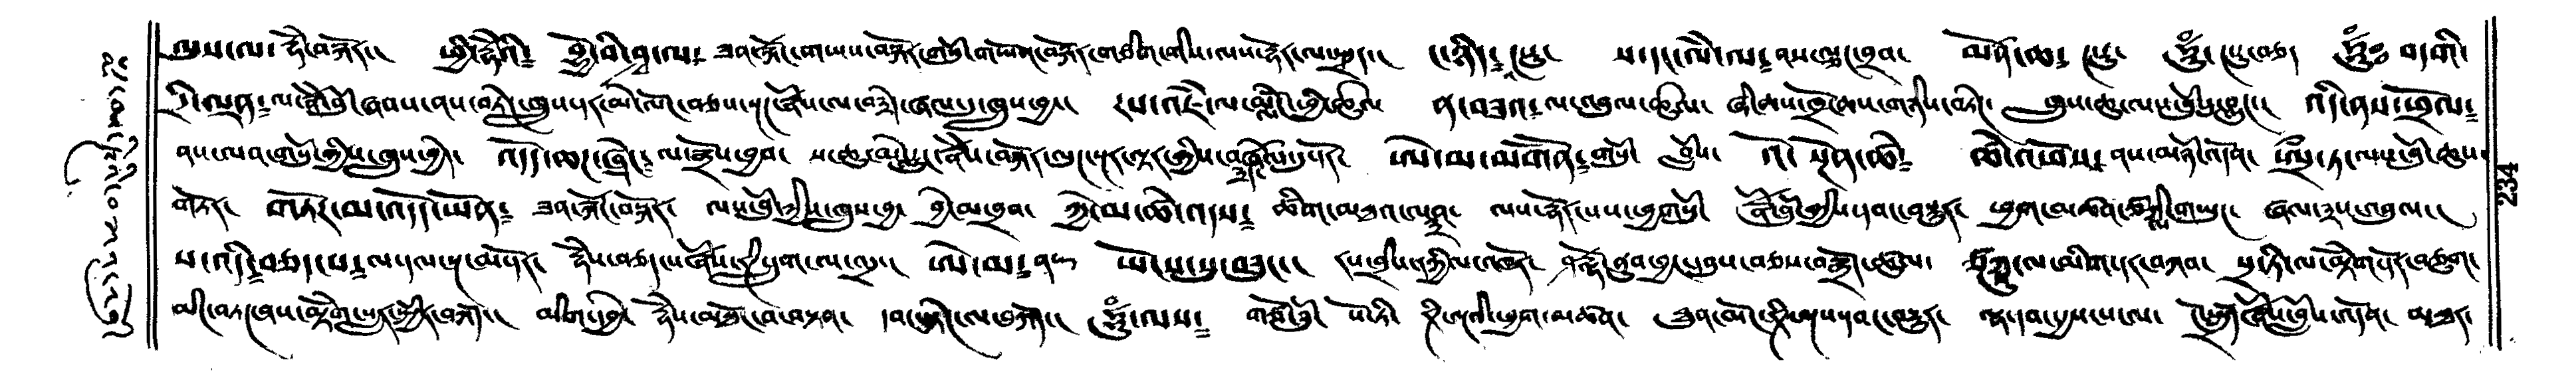ལུས་ལ། རྡོ་རྗེ་བསྐོར། ཕྱི་རྡོ་རྗེའི༴ བྷྱོ་བི་ཤྭ་ལ༴ ཟན་རྐོང་གཡས་བསྐོར་གསུམ་གཡོན་བསྐོར་གཅིག་གིས་ལས་རྡོར་ལ་སྤྲད། ང་ཉིད༴ ཌཱ་རུ། ས་དང་ལམ་ལ༴ ནས་ལྕགས་བྲབ། མཚོན་ཆ༴ ཌཱ་རུ། ཧཱུྃ། ཌཱ་རུ་བཅད། ཧཱུྃ༔ བདག་གི་
དྲི་ལྡན༴ ལ་རྣམ་བུམ་ཞབས་ནས་བཏེགས། ཁྲུས་དར་མེ་ལོང་བཅས་སྔགས་རྣམས་ལ་བཟེད་ཞལ་དུ་ཁྲུས་བྱ། རས་འཇམ༴ ལ་མེ་ལོང་ཕྱི་ཚུལ། ན་བཟའ༴ ལ་འབུལ་ཚུལ། ཞི་ཆས་ཁྲོ་ཆས་གཉིས་བཏེགས། ཁྲུས་ཆུ་ལས་བུམ་དུ་བླུགས། འདི་ནི་ཕ་རོལ༴ 
ནས་ལན་གསུམ་གྱིས་ཁྲུས་བྱེད། འདོད་ཆགས་ཞེ་སྡང༴ ལ་སྒྲོས་བྱབ། ས་ཆུ་མེ་རླུང་རྣམས་བསྐོར་ལུགས་སྔར་ལྟར་གྱིས་བཟེད་ཞལ་དུ་དོར། ཨེ་མ་མགོན་པོ༴ གསུམ། བླ་མས། འོ༔ སྔོན་ཚེ༴ ཚེ་འཕོས༴ ནས་མཉམ་འདོན། ཨ་མྲྀ་ཏ༴ ལས་བུམ་ཆུས་
གཏོར། གཏོར་མ་འདོད་ཡོན༴ ཟན་རྐོང་བསྐོར། ལས་བུམ་གྱི་ཁྲུས་བྱ། བྱེ་མ་བྲབ། ཀྱེ་མ་ཚེ་འདས༴ ཚིག་མཐའ་ལན་གསུམ། ལས་རྡོར་པས་ཕྱག་གསུམ། རྣམ་བུམ་གྱིས་དབང་བསྐུར། ཕྱག་མཚན་ཙཀླི་གཡུང་། ཞལ་ཟས་འབུལ། 
ས་འདི་བཅད་པ༴ ལ་དལ་སྔ་མ་དོར། རྡོ་རྗེས་བཅད་པ་རྣམས་རིགས་དྲུག་ལ་འདྲ། ཨེ་མ༴ ནས། ཡོངས་སུ་བཟུང༔ རས་བྲིས་དཀྱིལ་འཁོར། ཤར་ལྷོ་ནུབ་བྱང་དབུས་བཅས་བགྲོད་ཚུལ། ཙཀྵུ༴ ལ་མིག་དར་བཀབ། པྲ་ཏི༴ ལ་མེ་ཏོག་དོར་བཅུག། 
མིང་བཏགས་ནས་མེ་ཏོག་སླར་སྤྱི་བོར་འགཽད། མིག་དབྱེ། རྡོ་རྗེས་མཐོང་བ་བསྟན། དབང་སྟེགས་ལ་འགཽད། ཧ྄ཱུྃ་ལས༴ གཙོ་བུམ། པོ་ཏི། རིག་ལྔའི་ཕྱག་མཚན། ཐུན་མོང་རིགས་ལྔས་དབང་བསྐུར། ལྷ་དབང་རྒྱས་པ་ལ། ངོ་སྤྲོད་རྣམས་བླ་མས་འདོན། མཐར་